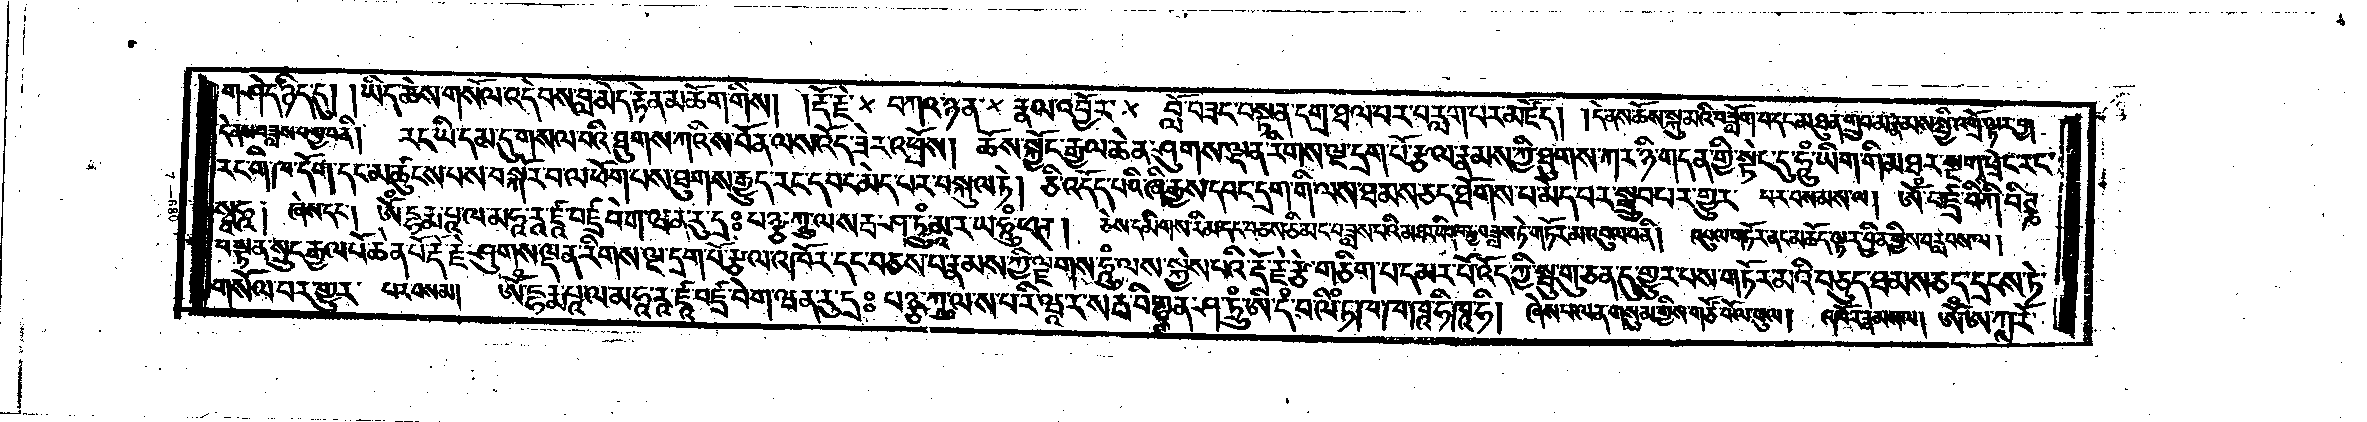གཤེད་ཉིད་དུ། །ཡིད་ཆེས་གསོལ་འདེབས་བླ་མེད་རྟེན་མཆོག་གིས། །རྡོ་རྗེ་྾་བཀའ་ཉན་྾་རྣལ་འབྱོར་྾་བློ་བཟང་བསྟན་དགྲ་ཐལ་བར་བརླག་པར་མཛོད། །དེ་ནས་ཆོས་སྐུ་མའི་བཟློག་པ་དང་མཐུན་གྲུབ་མ་རྣམས་སྤྱི་འགྲོ་ལྟར་བྱ།
དེ་ནས་བཟླས་པ་བྱ་བ་ནི། རང་ཡི་དམ་དུ་གསལ་བའི་ཐུགས་ཀའི་ས་བོན་ལས་འོད་ཟེར་འཕྲོས། ཆོས་སྐྱོང་རྒྱལ་ཆེན་ཤུགས་ལྡན་རིགས་ལྔ་དྲག་པོ་རྩལ་རྣམས་ཀྱི་ཐུགས་ཀར་ཉི་གདན་གྱི་སྟེང་དུ་ཧཱུཾ་ཡིག་གི་མཐར་སྔགས་ཕྲེང་རང་
རང་གི་ཁ་དོག་དང་མཚུངས་པས་བསྐོར་བ་ལ་ཕོག་པས་ཐུགས་རྒྱུད་རང་དབང་མེད་པར་བསྐུལ་ཏེ། ཅི་འདོད་པའི་ཞི་རྒྱས་དབང་དྲག་གི་ལས་ཐམས་ཅད་ཐོགས་པ་མེད་པར་སྒྲུབ་པར་གྱུར་པར་བསམས་ལ།  ཨོཾ་བཛྲ་བིཀི་མིཊྞ་
སྭཱཧཱ༑ ཞེས་དང་། ཨོཾ་དྷརྨ་པཱ་ལ་མྷཱ་རཱ་ཛཱ་བཛྲ་བེ་ག་ཝན་རུ་དྲཿཔཉྩ་ཀཱུ་ལ་སརྦ་ཤྟྲུ་མཱ་ར་ཡ་ཧཱུཾ་ཕཊ། ཅེས་དམིགས་རིམ་དང་བཅས་ཅི་མང་བཟླས་པའི་མཐར་ཡིག་བརྒྱ་བཟླས་ཏེ་གཏོར་མ་འབུལ་བ་ནི། འབུལ་གཏོར་ནང་མཆོད་ལྟར་བྱིན་གྱིས་བརླབས་ལ།
བསྟན་སྲུང་རྒྱལ་པོ་ཆེན་པོ་རྡོ་རྗེ་ཤུགས་ལྡན་རིགས་ལྔ་དྲག་པོ་རྩལ་འཁོར་དང་བཅས་པ་རྣམས་ཀྱི་ལྗགས་ཧཱུཾ་ལས་སྐྱེས་པའི་རྡོ་རྗེ་རྩེ་གཅིག་པ་དམར་པོ་འོད་ཀྱི་སྦུ་གུ་ཅན་དུ་གྱུར་པས་གཏོར་མའི་བཅུད་ཐམས་ཅད་དྲངས་ཏེ་
གསོལ་བར་གྱུར་པར་བསམ།  ཨོཾ་དྷརྨ་པཱ་ལ་མཧཱ་རཱ་ཛཱ་བཛྲ་བེ་ག་ཝན་རུ་དྲཿཔཉྩ་ཀཱུ་ལ་ས་པ་རི་ཝཱ་ར་ས་སརྦ་བིགདྖན་ཤ་ཏྲཱུམ་ཨི་དཾ་བ་ལིཾ་ཏ་ཁ་ཁ་ཁཱ་ཧི་ཁཱ་ཧི། ཞེས་པ་ལན་གསུམ་གྱིས་གཙོ་བོ་ལ་ཕུལ། འཁོན་རྣམས་ལ། ཨོཾ་ཨ་ཀླ་རོ་